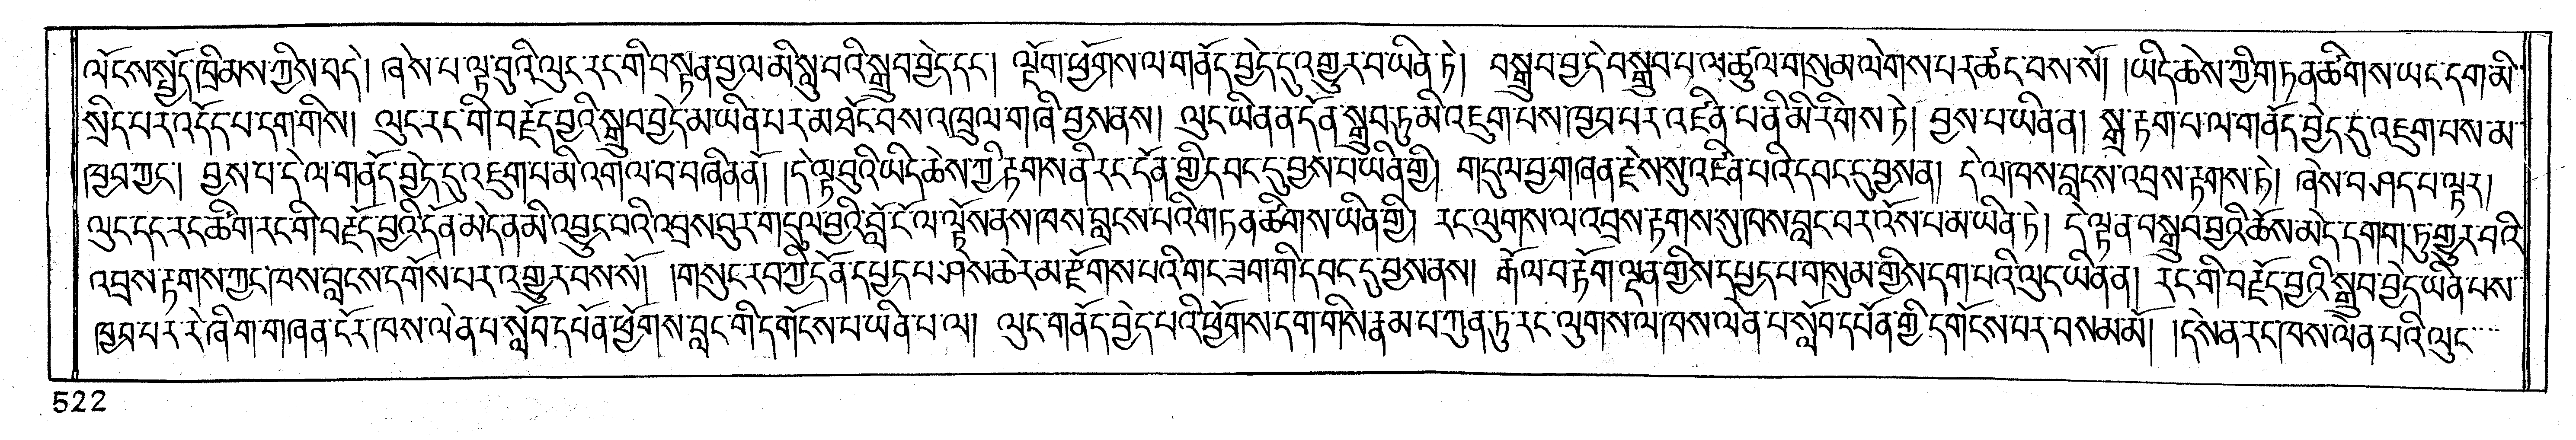ལོངས་སྤྱོད་ཁྲིམས་ཀྱིས་བདེ། ཞེས་པ་ལྟ་བུའི་ལུང་རང་གི་བསྟན་བྱ་ལ་མི་སླུ་བའི་སྒྲུབ་བྱེད་དང་། ལྡོག་ཕྱོགས་ལ་གནོད་བྱེད་དུ་འགྱུར་བ་ཡིན་ཏེ། བསྒྲུབ་བྱ་དེ་བསྒྲུབ་པ་ལ་ཚུལ་གསུམ་ལེགས་པར་ཚང་བས་སོ། །ཡིད་ཆེས་ཀྱི་གཏན་ཚིགས་ཡང་དག་མི་
སྲིད་པར་འདོད་བདག་གིས། ལུང་རང་གི་བརྗོད་བྱའི་སྒྲུབ་བྱེད་མ་ཡིན་པར་མཐོང་བས་འཁྲུལ་གཞི་བྱས་ནས། ལུང་ཡིན་ན་དོན་སྒྲུབ་ཏུ་མི་འཇུག་པས་ཁྱབ་པར་འཛིན་པ་ནི་མི་རིགས་ཏེ། བྱས་པ་ཡིན་ན། སྒྲ་རྟག་པ་ལ་གནོད་བྱེད་དུ་འཇུག་པས་མ་
ཁྱབ་ཀྱང་། བྱས་པ་དེ་ལ་གནོད་བྱེད་དུ་འཇུག་པ་མི་འགལ་བ་བཞིན་ནོ། །དེ་ལྟ་བུའི་ཡིད་ཆེས་ཀྱི་རྟགས་ནི་རང་དོན་གྱི་དབང་དུ་བྱས་པ་ཡིན་གྱི། གདུལ་བྱ་གཞན་རྗེས་སུ་འཛིན་པའི་དབང་དུ་བྱས་ན། དེ་ལ་ཁས་བླངས་འབྲས་རྟགས་ཏེ། ཞེས་བཤད་པ་ལྟར།
ལུང་དང་རང་ཚིག་རང་གི་བརྗོད་བྱའི་དོན་མེད་ན་མི་འབྱུང་བའི་འབྲས་བུར་གདུལ་བྱའི་བློ་ངོ་ལ་ལྟོས་ནས་ཁས་བླངས་པའི་གཏན་ཚིགས་ཡིན་གྱི། རང་ལུགས་ལ་འབྲས་རྟགས་སུ་ཁས་བླང་བར་འོས་པ་མ་ཡིན་ཏེ། དེ་ལྟ་ན་བསྒྲུབ་བྱའི་ཆོས་མེད་དགག་ཏུ་གྱུར་པའི་
འབྲས་རྟགས་ཀྱང་ཁས་བླངས་དགོས་པར་འགྱུར་བས་སོ། །གསུང་རབ་ཀྱི་དོན་དཔྱད་པ་ཤས་ཆེར་མ་རྫོགས་པའི་གང་ཟག་གི་དབང་དུ་བྱས་ནས། རྒོལ་བ་རྟོག་ལྡན་གྱིས་དཔྱད་པ་གསུམ་གྱིས་དག་པའི་ལུང་ཡིན་ན། རང་གི་བརྗོད་བྱའི་སྒྲུབ་བྱེད་ཡིན་པས་
ཁྱབ་པར་རེ་ཞིག་གཞན་ངོར་ཁས་ལེན་པ་སློབ་དཔོན་ཕྱོགས་གླང་གི་དགོངས་པ་ཡིན་པ་ལ། ལུང་གནོད་བྱེད་པའི་ཕྱོགས་དག་གིས་རྣམ་པ་ཀུན་ཏུ་རང་ལུགས་ལ་ཁས་ལེན་པ་སློབ་དཔོན་གྱི་དགོངས་པར་བསམ་མོ། །དེས་ན་རང་ཁས་ལེན་པའི་ལུང་